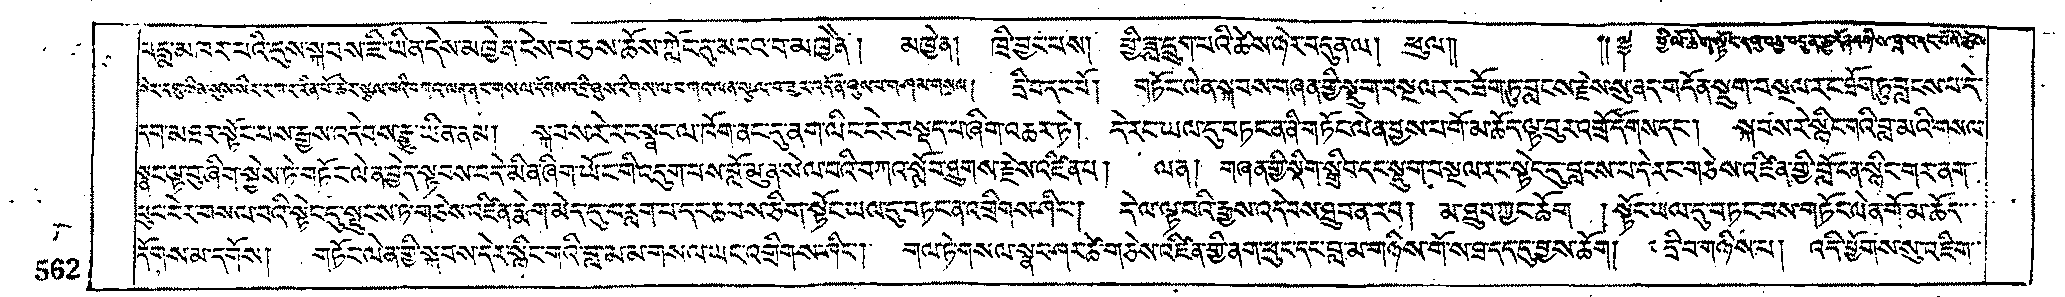པདམ་མཁར་པའི་དུས་སྐབས་ཇི་ཡིན་དེས་མཁྱེན་ངེས་བཅས་ཆོས་ཀློང་དུ་མངའ་བ་མཁྱཻན། མཁྱེན། ཁྲི་བྱང་པས། ཕྱི་ཟླ་དྲུག་པའི་ཚེས་ཉེར་བདུན་ལ། ཕུལ།། །། འ་ཕྱི་ལོ་ཆིག་སྟོང་དགུ་བརྒྱ་བདུན་ཅུ་དོན་གཉིས་ཟླ་བ་དང་པོའི་ཚེས་
ཉེར་དགུ་ཉིན་སུས་སིར་ར་ཀ་ར་རིན་པོ་ཆེར་སྩལ་བའི་བཀའ་ལན་ནང་གསལ་དགོས་འདྲི་ཞུས་རིགས་ལ་བཀའ་ལན་སྩལ་བ་ཟུར་འདོན་ཞུས་པ་གཤམ་གསལ། དྲི་པ་དང་པོ། གཏོང་ལེན་སྐབས་གཞན་གྱི་སྡུག་བསྔལ་རང་ཐོག་ཏུ་བླངས་རྗེས་སུ་ནད་གདོན་སྡུག་བསྔལ་རང་ཐོག་ཏུ་བླངས་པ་དེ་
དག་མཐར་སྟོང་པས་རྒྱས་འདེབས་རྒྱུ་ཡིན་ནམ། སྐབས་རེ་རང་སྣང་ལ་ཁོག་ནང་དུ་ནག་ལིང་ངེར་བསྡད་པ་ཞིག་འཆར་ཏེ། དེ་རང་ཡལ་དུ་བཏང་ན་ནི་གཏོང་ལེན་བྱས་པ་གོ་མ་ཆོད་ལྟ་བུར་འགྲོ་དོགས་དང་། སྐབས་རེ་སྙིང་གའི་བླ་མའི་གསལ་
སྣང་ལྟ་བུ་ཞིག་སྐྱེས་ཏེ་གཏོང་ལེན་བྱེད་སྟབས་བདེ་མིན་ཞིག་ཡོང་གི་འདུག་པས་བློ་མུན་སེལ་བའི་བཀའ་སློབ་ཐུགས་རྗེས་འཛིན་པ། ལན། གཞན་གྱི་སྡིག་སྒྲིབ་དང་སྡུག་བསྔལ་རང་སྟེང་དུ་བླངས་པ་དེ་རང་གཅེས་འཛིན་གྱི་བློ་ངན་སྙིང་གར་ནག་་་
ཕུང་ངེར་གསལ་བའི་སྟེང་དུ་སྤུངས་ཏེ་གཅེས་འཛིན་རྨེག་མེད་དུ་བརླག་པ་དང་ཆབས་ཅིག་སྟོང་ཡལ་དུ་བཏང་ན་འགྲིགས་ཤིང་། དེ་ལ་ལྟ་བའི་རྒྱས་འདེབས་ཐུབ་ན་རབ། མ་ཐུབ་ཀྱང་ཆོག །སྟོང་ཡལ་དུ་བཏང་བས་གཏོང་ལེན་གོ་མ་ཆོད་་་
དོགས་མ་དགོས། གཏོང་ལེན་གྱི་སྐབས་དེར་སྙིང་གའི་བླ་མ་མ་གསལ་ཡང་འགྲིགས་ཤིང་། གལ་ཏེ་གསལ་སྣང་ཤར་ཚེ་གཅེས་འཛིན་གྱི་ནག་ཕུང་དང་བླ་མ་གཉིས་གོ་ས་ཐ་དད་དུ་བྱས་ཆོག། ༧དྲི་བ་གཉིས་པ། འདི་ཕྱོགས་སུ་འཇིག་་་